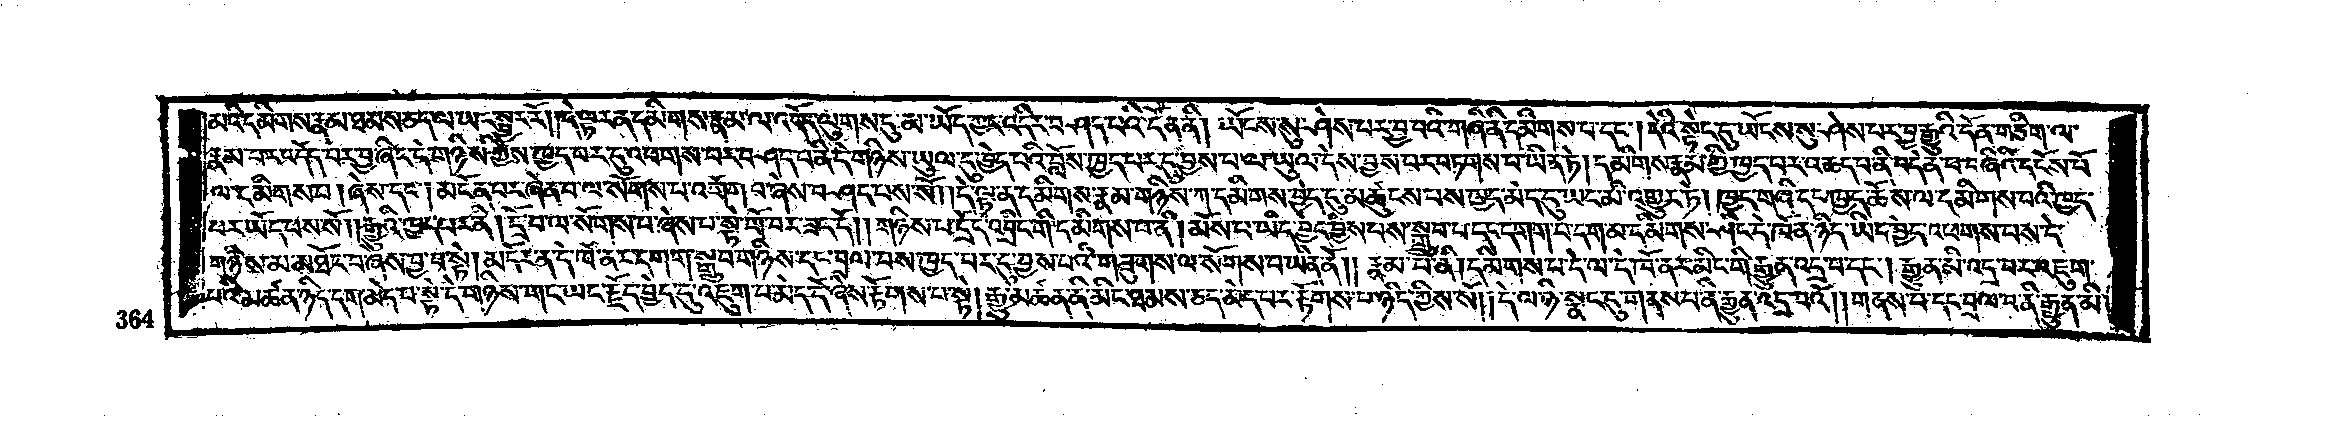མའི་དམིགས་རྣམ་ཐམས་ཅད་ལ་ཡང་སྦྱར་རོ། །དེ་ལྟར་ན་དམིགས་རྣམ་ལ་འདོད་ལུགས་དུ་མ་ཡོད་ཀྱང་འདིར་བཤད་པའི་དོན་ནི། ཡོངས་སུ་ཤེས་པར་བྱ་བའི་གཞི་ནི་དམིགས་པ་དང་། དེའི་སྟེང་དུ་ཡོངས་སུ་ཤེས་པར་བྱ་རྒྱུའི་དོན་གཅིག་ལ་
རྣམ་པར་འདོད་པར་བྱ་ཞིང་དེ་གཉིས་ཀྱིས་ཁྱད་པར་དུ་འཕགས་པར་བཤད་པ་ནི་དེ་གཉིས་ཡུལ་དུ་བྱེད་པའི་བློས་ཁྱད་པར་དུ་བྱས་པ་ལ་ཡུལ་དེས་བྱས་པར་བཏགས་པ་ཡིན་ཏེ། དམིགས་རྣམ་གྱི་ཁྱད་པར་འཆད་པ་ནི་བདེན་པ་བཞིའི་དངོས་པོ་
ལ་དམིགས་པ། ཞེས་དང་། མངོན་པར་ཞེན་པ་ལ་སོགས་པ་འགོག་པ་ཞེས་བཤད་པས་སོ། །དེ་ལྟ་ན་དམིགས་རྣམ་གཉིས་ཀ་དམིགས་བྱེད་དུ་མཚུངས་པས་ཁྱད་མེད་དུ་ཡང་མི་འགྱུར་ཏེ། ཁྱད་གཞི་དང་ཁྱད་ཆོས་ལ་དམིགས་པའི་ཁྱད་
པར་ཡོད་པས་སོ། །རྒྱུའི་ཁྱད་པར་ནི། དྲོ་བ་ལ་སོགས་པ་ཞེས་པ་སྟེ་གོ་བར་ཟད་དོ། །གཉིས་པ་དྲོད་འབྲིང་གི་དམིགས་པ་ནི། མོས་པ་ཡིད་བྱེད་བྱིས་པས་སྒྲུབ་པ་དང་དགག་པ་དག་མ་དམིགས་ཤིང་དེ་ཁོ་ན་ཉིད་ཡིད་བྱེད་འཕགས་པས་དེ་
གཉིས་མ་མཐོང་བ་ཞེས་བྱ་བ་སྟེ། མདོར་ན་དེ་ཁོ་ནར་དགག་སྒྲུབ་གཉིས་དང་བྲལ་བས་ཁྱད་པར་དུ་བྱས་པའི་གཟུགས་ལ་སོགས་པ་ཡིན་ནོ། །རྣམ་པ་ནི། དམིགས་པ་དེ་ལ་དེ་ཁོ་ནར་མིང་གི་རྒྱུན་འདྲ་བ་དང་། རྒྱུན་མི་འདྲ་བར་འཇུག་
པའི་མཚན་ཉིད་དག་མེད་པ་སྟེ་དེ་གཉིས་གང་ཡང་རྗོད་བྱེད་དུ་འཇུག་པ་མེད་དོ་ཞེས་རྟོགས་པ་སྟེ། རྒྱུ་མཚན་ནི་མིང་ཐམས་ཅད་མེད་པར་རྟོགས་པ་ཉིད་ཀྱིས་སོ། །དེ་ལ་ཉི་སྣང་དུ་གནས་པ་ནི་རྒྱུན་འདྲ་བའོ། །གནས་པ་དང་བྲལ་བ་ནི་རྒྱུན་མི་